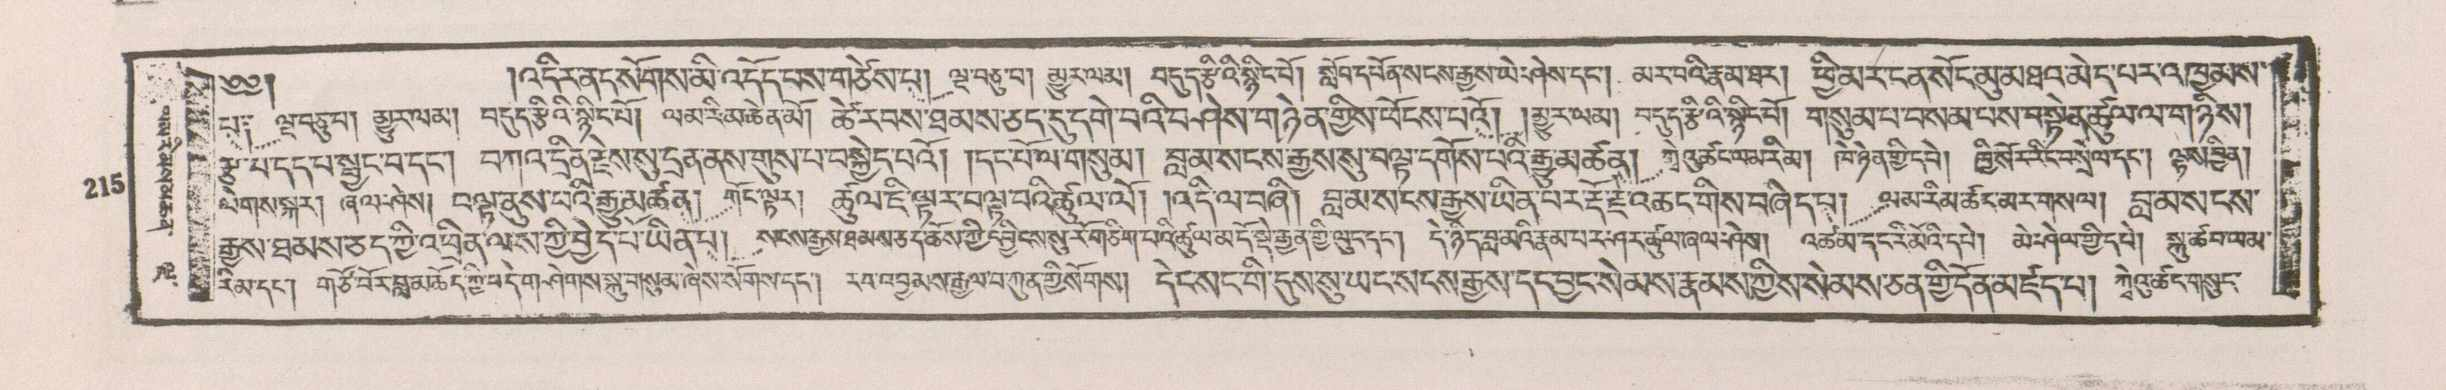༄༅། །འདིར་ནད་སོགས་མི་འདོད་པས་གཙེས་པ། ལྔ་བཅུ་པ། མྱུར་ལམ། བདུད་རྩིའི་སྙིང་པོ། སློབ་དཔོན་སངས་རྒྱས་ཡེ་ཤེས་དང་། མར་པའི་རྣམ་ཐར།  ཕྱི་མར་ངན་སོང་མུ་མཐའ་མེད་པར་འཁྱམས་
པ༑ ལྔ་བཅུ་པ། མྱུར་ལམ། བདུད་རྩིའི་སྙིང་པོ། ལམ་རིམ་ཆེན་མོ།  ཚེ་རབས་ཐམས་ཅད་དུ་དགེ་བའི་བཤེས་གཉེན་གྱིས་ཕོངས་པའོ། ། མྱུར་ལམ། བདུད་རྩིའི་སྙིང་པོ།  གསུམ་པ་བསམ་པས་བསྟེན་ཚུལ་ལ་གཉིས།
རྩ་བ་དད་པ་སྦྱང་བ་དང་། བཀའ་དྲིན་རྗེས་སུ་དྲན་ནས་གུས་པ་བསྐྱེད་པའོ། །དང་པོ་ལ་གསུམ། བླ་མ་སངས་རྒྱས་སུ་བལྟ་དགོས་པའི་རྒྱུ་མཚན། ཀྭེའུ་ཚང་ལམ་རིམ། ཁེ་ཉེན་གྱི་དཔེ། ཁྱི་སོར་རིང་བསྲེལ་དང་། ལྷས་བྱིན།
ལེགས་སྐར། ཞལ་ཤེས།  བལྟ་ནུས་པའི་རྒྱུ་མཚན། གོང་ལྟར།  ཚུལ་ཇི་ལྟར་བལྟ་བའི་ཚུལ་ལོ། །འདི་ལ་བཞི། བླ་མ་སངས་རྒྱས་ཡིན་པར་རྡོ་རྗེ་འཆང་གིས་བཞེད་པ། ལམ་རིམ་ཚང་མར་གསལ།  བླ་མ་སངས་
རྒྱས་ཐམས་ཅད་ཀྱི་འཕྲིན་ལས་ཀྱི་བྱེད་པོ་ཡིན་པ། སངས་རྒྱས་ཐམས་ཅད་ཆོས་ཀྱི་དབྱིངས་སུ་རོ་གཅིག་པའི་ཚུལ་མདོ་སྡེ་རྒྱན་གྱི་ལུང་དང་། དེ་ཉིད་བླ་མའི་རྣམ་པར་ཤར་ཚུལ་ཞལ་ཤེས། འཆམ་དང་རི་མོའི་དཔེ། མེ་ཤེལ་གྱི་དཔེ། སྐུ་ཚབ་ལམ
རིམ་དང་། གཙོ་བོར་བླ་མཆོད་ཀྱི་བདེ་གཤེགས་སྐུ་གསུམ་ཞེས་སོགས་དང་། རབ་འབྱམས་རྒྱལ་བ་ཀུན་གྱི་སོགས། དེང་སང་གི་དུས་སུ་ཡང་སངས་རྒྱས་དང་བྱང་སེམས་རྣམས་ཀྱིས་སེམས་ཅན་གྱི་དོན་མཛད་པ། ཀྭེའུ་ཚང་གསུང